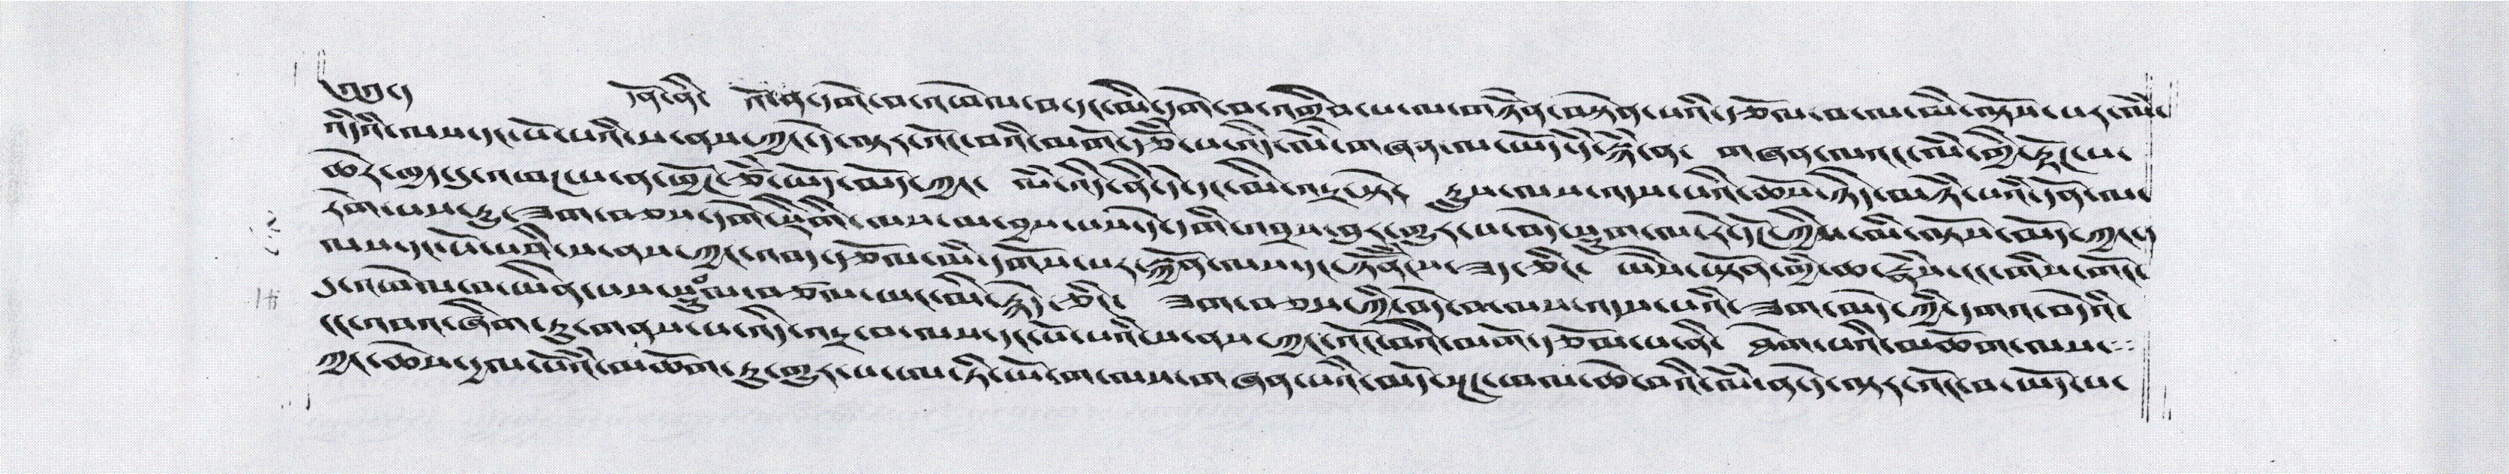དོན་ནི། འོ་ན་དགེ་བ་འཕེལ་བ་དང་མི་དགེ་བ་འགྲིབ་པ་ལ་གཉེན་པོ་བསྟེན་པའི་རྩོལ་བ་ལ་མི་ལྟོས་པར་ལམ་
འདིའི་ལས་དང་པོ་བའི་ས་ནས་ཀྱང་དེ་ལྟར་འོང་བའི་འགོ་རྩོམ་པ་འདི་ལམ་གཞན་ལ་ཡོད་དམ་སྙམ་ན། གཞན་ལའང་ལམ་གྱི་རྟོགས་པ་
ཆེས་ཁྱད་དུ་འཕགས་པ་ན་ཕྱོགས་ཙམ་ཡོད་མོད་ཀྱང་། ལམ་འདི་ནི་དེ་དང་མི་འདྲ་སྟེ། རྒྱུ་འབྲས་ལས་འདས་པའི་ཆོས་ཉིད་མཉམ་པའི་དོན་ལ་
རེག་པས་རྒྱུ་ཟག་བཅས་དགེ་སྡིག་གི་ལས་མ་བྱས་པས་དེ་དག་གི་འབྲས་བུར་གྱུར་པ་བདེ་སྡུག་ལ་རེ་དྭོགས་ཀྱིས་མི་ལྟོས་མོད་ཀྱང་། 
ལས་དང་པོ་བའི་ས་ནས་ཀྱང་འབད་རྩོལ་མི་དགོས་པར་སྐྱོན་ལས་དང་ཉོན་མོངས་ཟད་ཅིང་། ཡེ་ཤེས་ཡོན་ཏན་གྱི་ཆ་རྣམས་ངང་གིས་གོང་
དུ་འཕེལ་བ་ཡིན་པས་སྡུག་བསྔལ་བཙལ་ཡང་མི་རྙེད་ཅིང་། ཟག་བཅས་ཀྱི་བདེ་བ་ལས་འདས་པའི་ཟག་མེད་ཀྱི་དགའ་བདེའི་
ངང་འབའ་ཞིག་ཏུ་གནས་པ་འདི་འདྲ་བ་ལས་དང་པོ་བའི་ས་ནས་ཀྱང་འོང་བའི་འགོ་རྩོམ་པ་ནི་ཐེག་པའི་མཆོག་ལས་
ཀྱང་ཆེས་རྒྱལ་པོའི་མཆོག་ཏུ་གྱུར་པ་ཨ་ཏི་ཡོ་ག་ལས་གཞན་པའི་མདོ་སྔགས་ཕལ་ཆེ་བའི་ལམ་ནས་དེ་ལྟར་ཡོང་བ་ཡོད་པ་